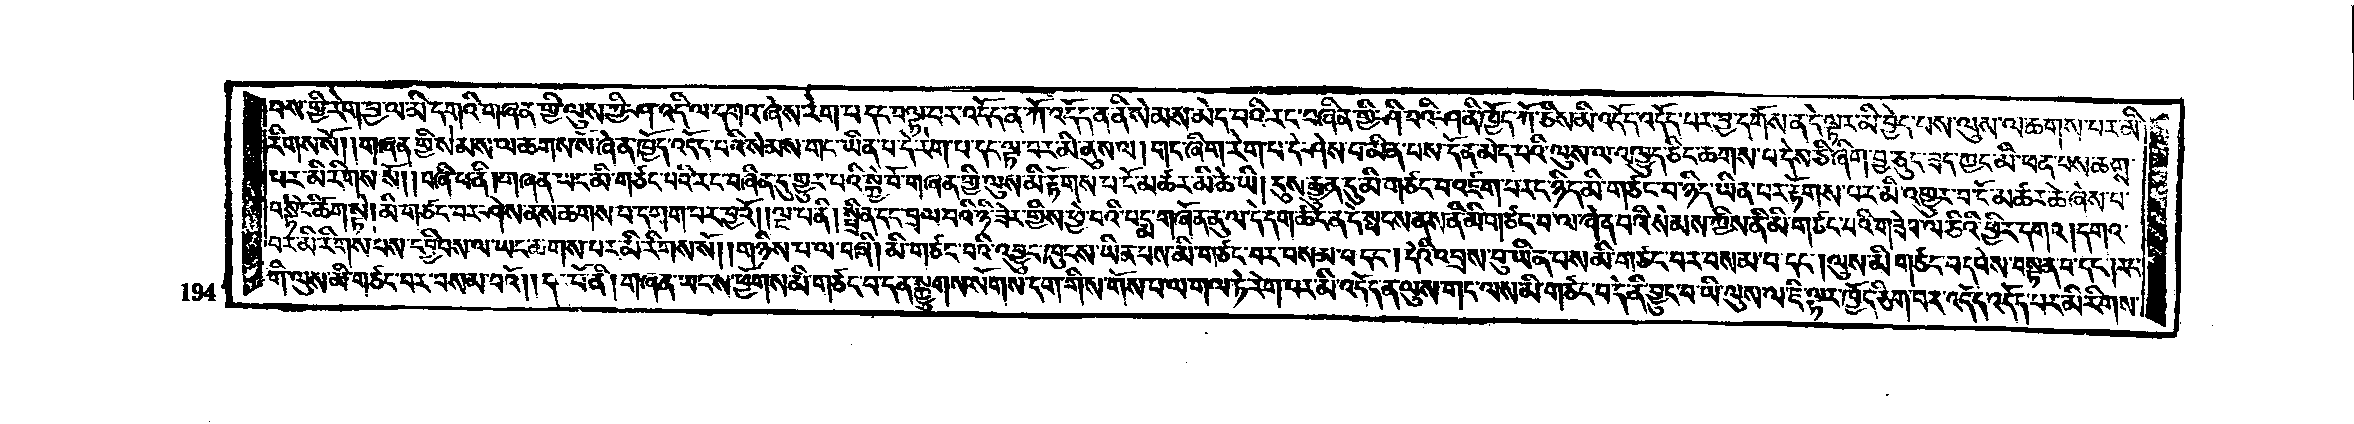བས་གྱི་རེག་བྱ་ལ་མི་དགའི་གཞན་གྱི་ལུས་ཀྱི་ཤ་འདི་ལ་དགའ་ཞེས་རེག་པ་དང་བལྟ་བར་འདོད་ན་ཁོ་འདོད་ན་ནི་སེམས་མེད་པའི་རང་བཞིན་གྱི་ཤི་བའི་ཤ་ནི་ཁྱོད་ཀོ་ཅིས་མི་འདོད་འདོད་པར་བྱ་དགོས་ན་དེ་ལྟར་མི་བྱེད་པས་ལུས་ལ་ཆགས་པར་མི་
རིགས་སོ། །གཞན་གྱི་སེམས་ལ་ཆགས་སོ་ཞེ་ན་ཁྱོད་འདོད་པའི་སེམས་གང་ཡིན་པ་དེ་རེག་པ་དང་ལྟ་བར་མི་ནུས་ལ། གང་ཞིག་རེག་པ་དེ་ཤེས་པ་མིན་པས་དོན་མེད་པའི་ལུས་ལ་འཁྱུད་ཅིང་ཆགས་པ་དེས་ཅི་ཞིག་བྱ་ཅུང་ཟད་ཀྱང་མི་ཕན་པས་ཆགས་
པར་མི་རིགས་སོ། །བཞི་པ་ནི། གཞན་ཡང་མི་གཙང་བའི་རང་བཞིན་དུ་གྱུར་པའི་སྐྱེ་བོ་གཞན་གྱི་ལུས་མི་རྟོགས་པ་ངོ་མཚར་མི་ཆེ་ཡི། དུས་རྒྱུན་དུ་མི་གཙང་བ་འཛག་པ་རང་ཉིད་མི་གཙང་བ་ཉིད་ཡིན་པར་རྟོགས་པར་མི་འགྱུར་བ་ངོ་མཚར་ཆེ་ཞེས་པ་
བསྟིང་ཚིག་སྟེ། མི་གཙང་བར་ཤེས་ནས་ཆགས་པ་དགག་པར་བྱའོ། །ལྔ་པ་ནི། སྤྲིན་དང་བྲལ་བའི་ཉི་ཟེར་གྱིས་ཕྱེ་བའི་པདམ་གཞོན་ནུ་ལ་དེ་དག་ཚང་ན་དེ་སྤངས་ནས་ནི་མི་གཙང་བ་ལ་ཞེན་པའི་སེམས་ཀྱིས་ནི་མི་གཙང་བའི་གཟེབ་ལ་ཅིའི་ཕྱིར་དགའ། དགའ་
བར་མི་རིགས་པས་དབྱིབས་ལ་ཡང་ཆགས་པར་མི་རིགས་སོ། །གཉིས་པ་ལ་བཞི། མི་གཙང་བའི་འབྱུང་ཁུངས་ཡིན་པས་མི་གཙང་བར་བསམ་པ་དང་། དེའི་འབྲས་བུ་ཡིན་པས་མི་གཙང་བར་བསམ་པ་དང་། ལུས་མི་གཙང་བ་དཔེས་བསྟན་པ་དང་། རང་
གི་ལུས་མི་གཙང་བར་བསམ་པའོ། །དང་པོ་ནི། གཞན་ཡང་ས་ཕྱོགས་མི་གཙང་བ་དན་སྐྱུགས་སོགས་དག་གིས་གོས་པ་ལ་གལ་ཏེ་རེག་པར་མི་འདོད་ན་ལུས་གང་ལས་མི་གཙང་བ་དེ་ནི་བྱུང་བ་ཡི་ལུས་ལ་ཇི་ལྟར་ཁྱོད་ཅིག་པར་འདོད་འདོད་པར་མི་རིགས་